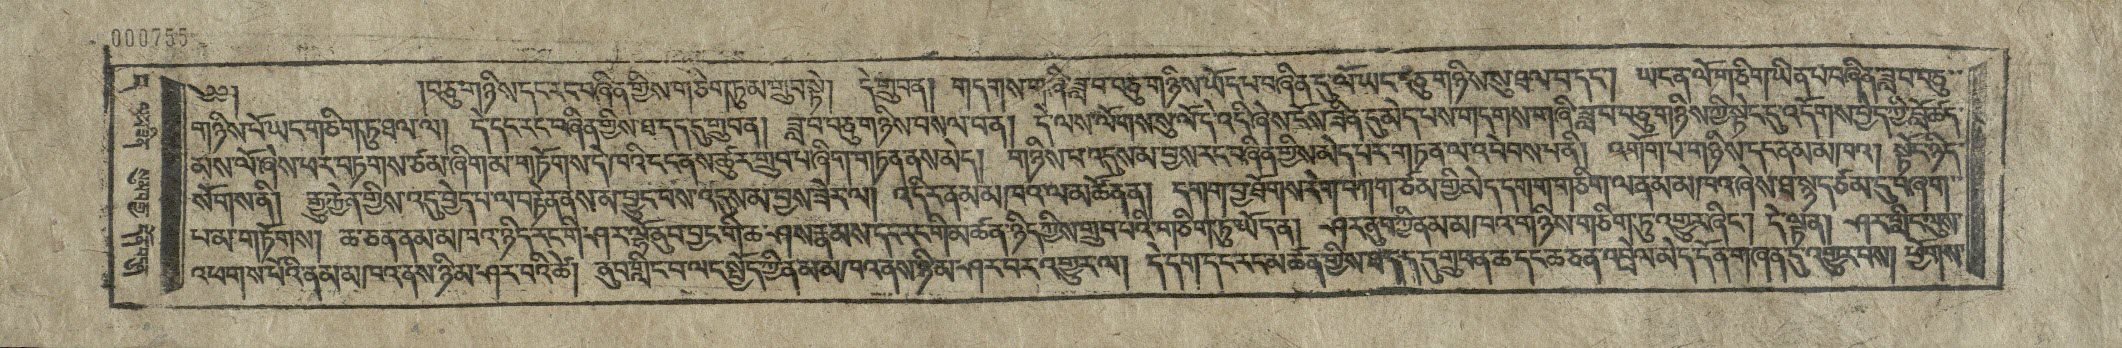༄༅། །བཅུ་གཉིས་དང་རང་བཞིན་གྱིས་གཅིག་ཏུ་མ་གྲུབ་སྟེ། དེ་གྲུབ་ན། གདགས་གཞི་ཟླ་བ་བཅུ་གཉིས་ཡོད་པ་བཞིན་དུ་ལོ་ཡང་བཅུ་གཉིས་སུ་ཐལ་བ་དང་། ཡང་ན་ལོ་གཅིག་ཡིན་པ་བཞིན་ཟླ་བ་བཅུ་
གཉིས་པོ་ཡང་གཅིག་ཏུ་ཐལ་ལ། དེ་དང་རང་བཞིན་གྱིས་ཐ་དད་དུ་གྲུབ་ན། ཟླ་བ་བཅུ་གཉིས་བསལ་བ་ན། དེ་ལས་ལོགས་སུ་ལོ་དེ་འདི་ཞེས་ངོས་ཟིན་དུ་མེད་པས་གདགས་གཞི་ཟླ་བ་བཅུ་གཉིས་ཀྱི་སྟེང་དུ་འདོགས་བྱེད་ཀྱི་བློ་ཚད་
མས་ལོ་ཞེས་ཕར་བཏགས་ཙམ་ཞིག་མ་གཏོགས་དེ་ཁའི་ངང་ནས་ཚུར་གྲུབ་པ་ཞིག་གཏན་ནས་མེད། གཉིས་པ་འདུས་མ་བྱས་རང་བཞིན་གྱིས་མེད་པར་གཏན་ལ་འབེབས་པ་ནི། འགོག་པ་གཉིས་དང་ནམ་མཁའ། སྟོང་ཉིད་
སོགས་ནི། རྒྱུ་རྐྱེན་གྱིས་འདུ་བྱེད་པ་ལ་བརྟེན་ནས་མ་བྱུང་བས་འདུས་མ་བྱས་ཟེར་ལ། འདིར་ནམ་མཁའ་ལ་མཚོན་ན། དགག་བྱ་ཐོགས་རེག་བཀག་ཙམ་གྱི་མེད་དགག་གཅིག་ལ་ནམ་མཁའ་ཞེས་ཐ་སྙད་ཙམ་དུ་བཞག་
པ་མ་གཏོགས། ཆ་ཅན་ནམ་མཁའ་ཉིད་རང་གི་ཤར་ལྷོ་ནུབ་བྱང་གི་ཆ་ཤས་རྣམས་དང་རང་གི་མཚན་ཉིད་ཀྱིས་གྲུབ་པའི་གཅིག་ཏུ་ཡོད་ན། ཤར་ནུབ་ཀྱི་ནམ་མཁའ་གཉིས་གཅིག་ཏུ་འགྱུར་ཞིང་། དེ་ལྟ་ན། ཤར་གླིང་ལུས་
འཕགས་པོའི་ནམ་མཁའ་ནས་ཉི་མ་ཤར་བའི་ཚེ། ནུབ་གླིང་བ་ལང་སྤྱོད་ཀྱི་ནམ་མཁའ་ནས་ཉི་མ་ཤར་བར་འགྱུར་ལ། དེ་དག་དང་རང་མཚན་གྱིས་ཐ་དད་དུ་གྲུབ་ན་ཆ་དང་ཆ་ཅན་འབྲེལ་མེད་དོན་གཞན་དུ་འགྱུར་བས། ཕྱོགས་